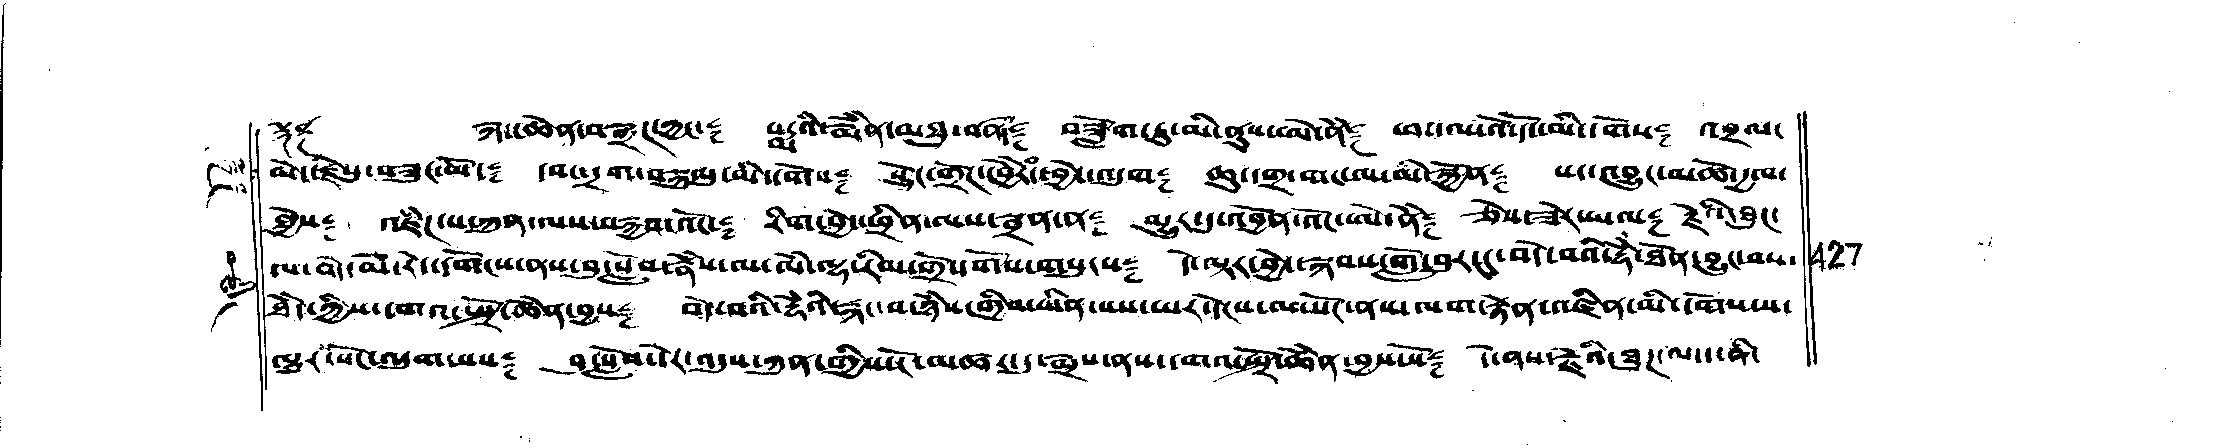སྐད་ཆེན་བསྒྲགས་ཀྱང་། །པདྨའི་སྨོན་ལམ་མཐུ་བཙན། །བཟློག་ཏུ་མི་ནུས་ཨེ་ནམ། །ཕར་ལ་འོ་དོད་མི་དགོས། །འབྲལ་
མེད་རྗེས་སུ་བཟུང་ཡོད། །དབང་དྲག་བསྐུལ་དུ་མི་དགོས། སྡོང་གྲོགས་དབྱེར་མེད་བྱེད་འདུག །ཆུ་དགྲ་གང་ལ་མི་སྐྱོན། །པད་འབྱུང་མཚོ་རྒྱལ་
ཐུགས་རྗེས། །འཇིགས་པ་ཀུན་ལས་བསྐྱབ་འོང་། །རིག་བྱེད་ཕྲིན་ལས་སྦྲན་ན། །མྱུར་དུ་འབྱོན་འོང་ཨེ་ནམ། །ཞེས་ཟེར་ཡལ། རྗེའི་ཐུགས་
ལ་བདེ་མོ་རེད་དགོངས་ནས་བུ་སློབ་རྣམས་ལ་ལམ་ལྷ་རིམ་གྲོ་དགོས་གསུངས། དེ་ལྟར་བྱེད་སྐབས་གློ་བུར་དུ་བདེ་བའི་རྡོ་རྗེ་ཐོན་བྱུང་བས་
ཐམས་ཅད་ཀྱིས་དགའ་སྤྲོ་ཆེན་པོ་བྱས། བདེ་བའི་རྡོ་རྗེའི་རྐང་པ་ཉམས་གྲིབ་ཡིན་པས་ཡར་དེངས་ལ་སོང་ནས་ལག་རྟེན་འཛིན་མི་དགོས་པ་
ལྟ་བུར་སོང་འདུག་པས། བུ་སློབ་དེར་འདུས་ཀུན་གྱིས་ངོ་མཚར་དུ་སྨྲས་ནས་དགའ་སྤྲོ་ཆེན་པོ་བྱས་སོ། དེ་ནས་རྗེའི་ཐུགས་ལ་ད་ནི་